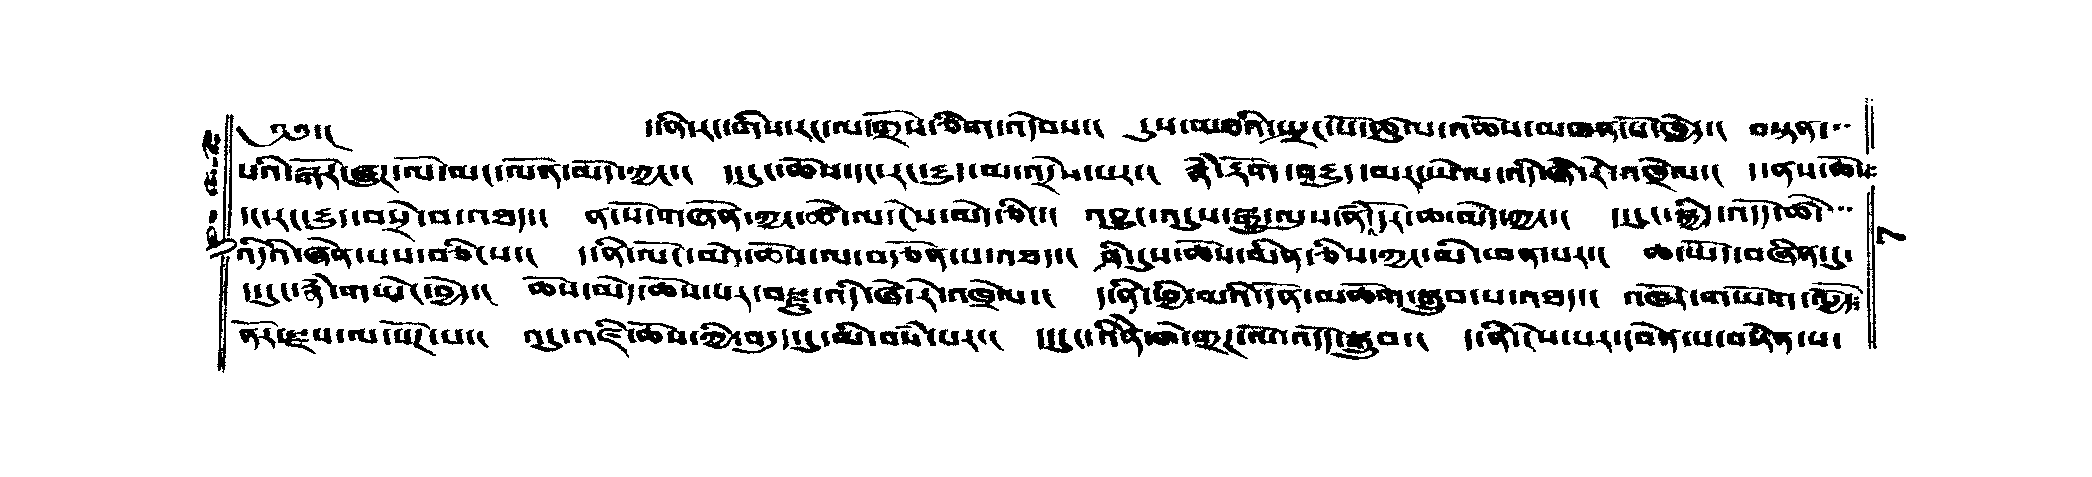།ད་ནི་རང་གིས་རང་ལ་གྲོས་ཅིག་འདེབས། །དུས་མཐའི་སྤྲང་པོ་ཚུལ་འཆོས་མཁན་པོ་ཁྱེད། །1$1000220བསྟན་
པའི་སྒོར་ཞུགས་ལོ་མང་ལོན་མོད་ཀྱང་། །ད་དུང་ཆོས་དང་རང་རྒྱུད་མ་འདྲེས་པར། །རྣམ་རྟོག་བརྒྱུད་མར་སྤེལ་འདི་ཞེ་རེ་འཁྲེལ། །ད་ནས་ཆོས་
དང་རང་རྒྱུད་བསྲེ་བ་འཐད། །ན་སོ་གཞོན་ཀྱང་ཚེ་ལ་ངེས་མེད་ཅིང་། །འབྱུང་འདུས་སྒྱུ་ལུས་ནམ་འདོར་ཆ་མེད་ཀྱང་། །ད་དུང་སྐྱིད་འདོད་ཚེ་
འདིའི་ཞེན་པས་བཅིངས། །ད་ནི་ལོང་མེད་ཆོས་ལ་བརྩོན་པ་འཐད། །ཤི་དུས་ཆོས་མིན་ཅིས་ཀྱང་མི་ཕན་པར། །ཆ་ཡོད་བཞིན་དུ་
ད་དུང་རྣམ་གཡེང་བྱེད། །ཆོས་མེད་ཆོས་པར་བརྫུ་འདི་ཞེ་རེ་འཁྲེལ། །ད་ནི་ཕྱི་མའི་དོན་མཆོག་སྒྲུབ་པ་འཐད། །འཁོར་གཡོག་ལོངས་སྤྱོད་
ནོར་རྫས་ལ་སོགས་པ། །འདུ་འཛི་ཆོས་ཀྱི་བདུད་དུ་མི་བསམ་པར། །ད་དུང་འཇིག་རྟེན་ཁེ་གྲགས་ལོ་འདོད་སྒྲུབ། །ད་ནི་ངེས་པར་དབེན་པ་